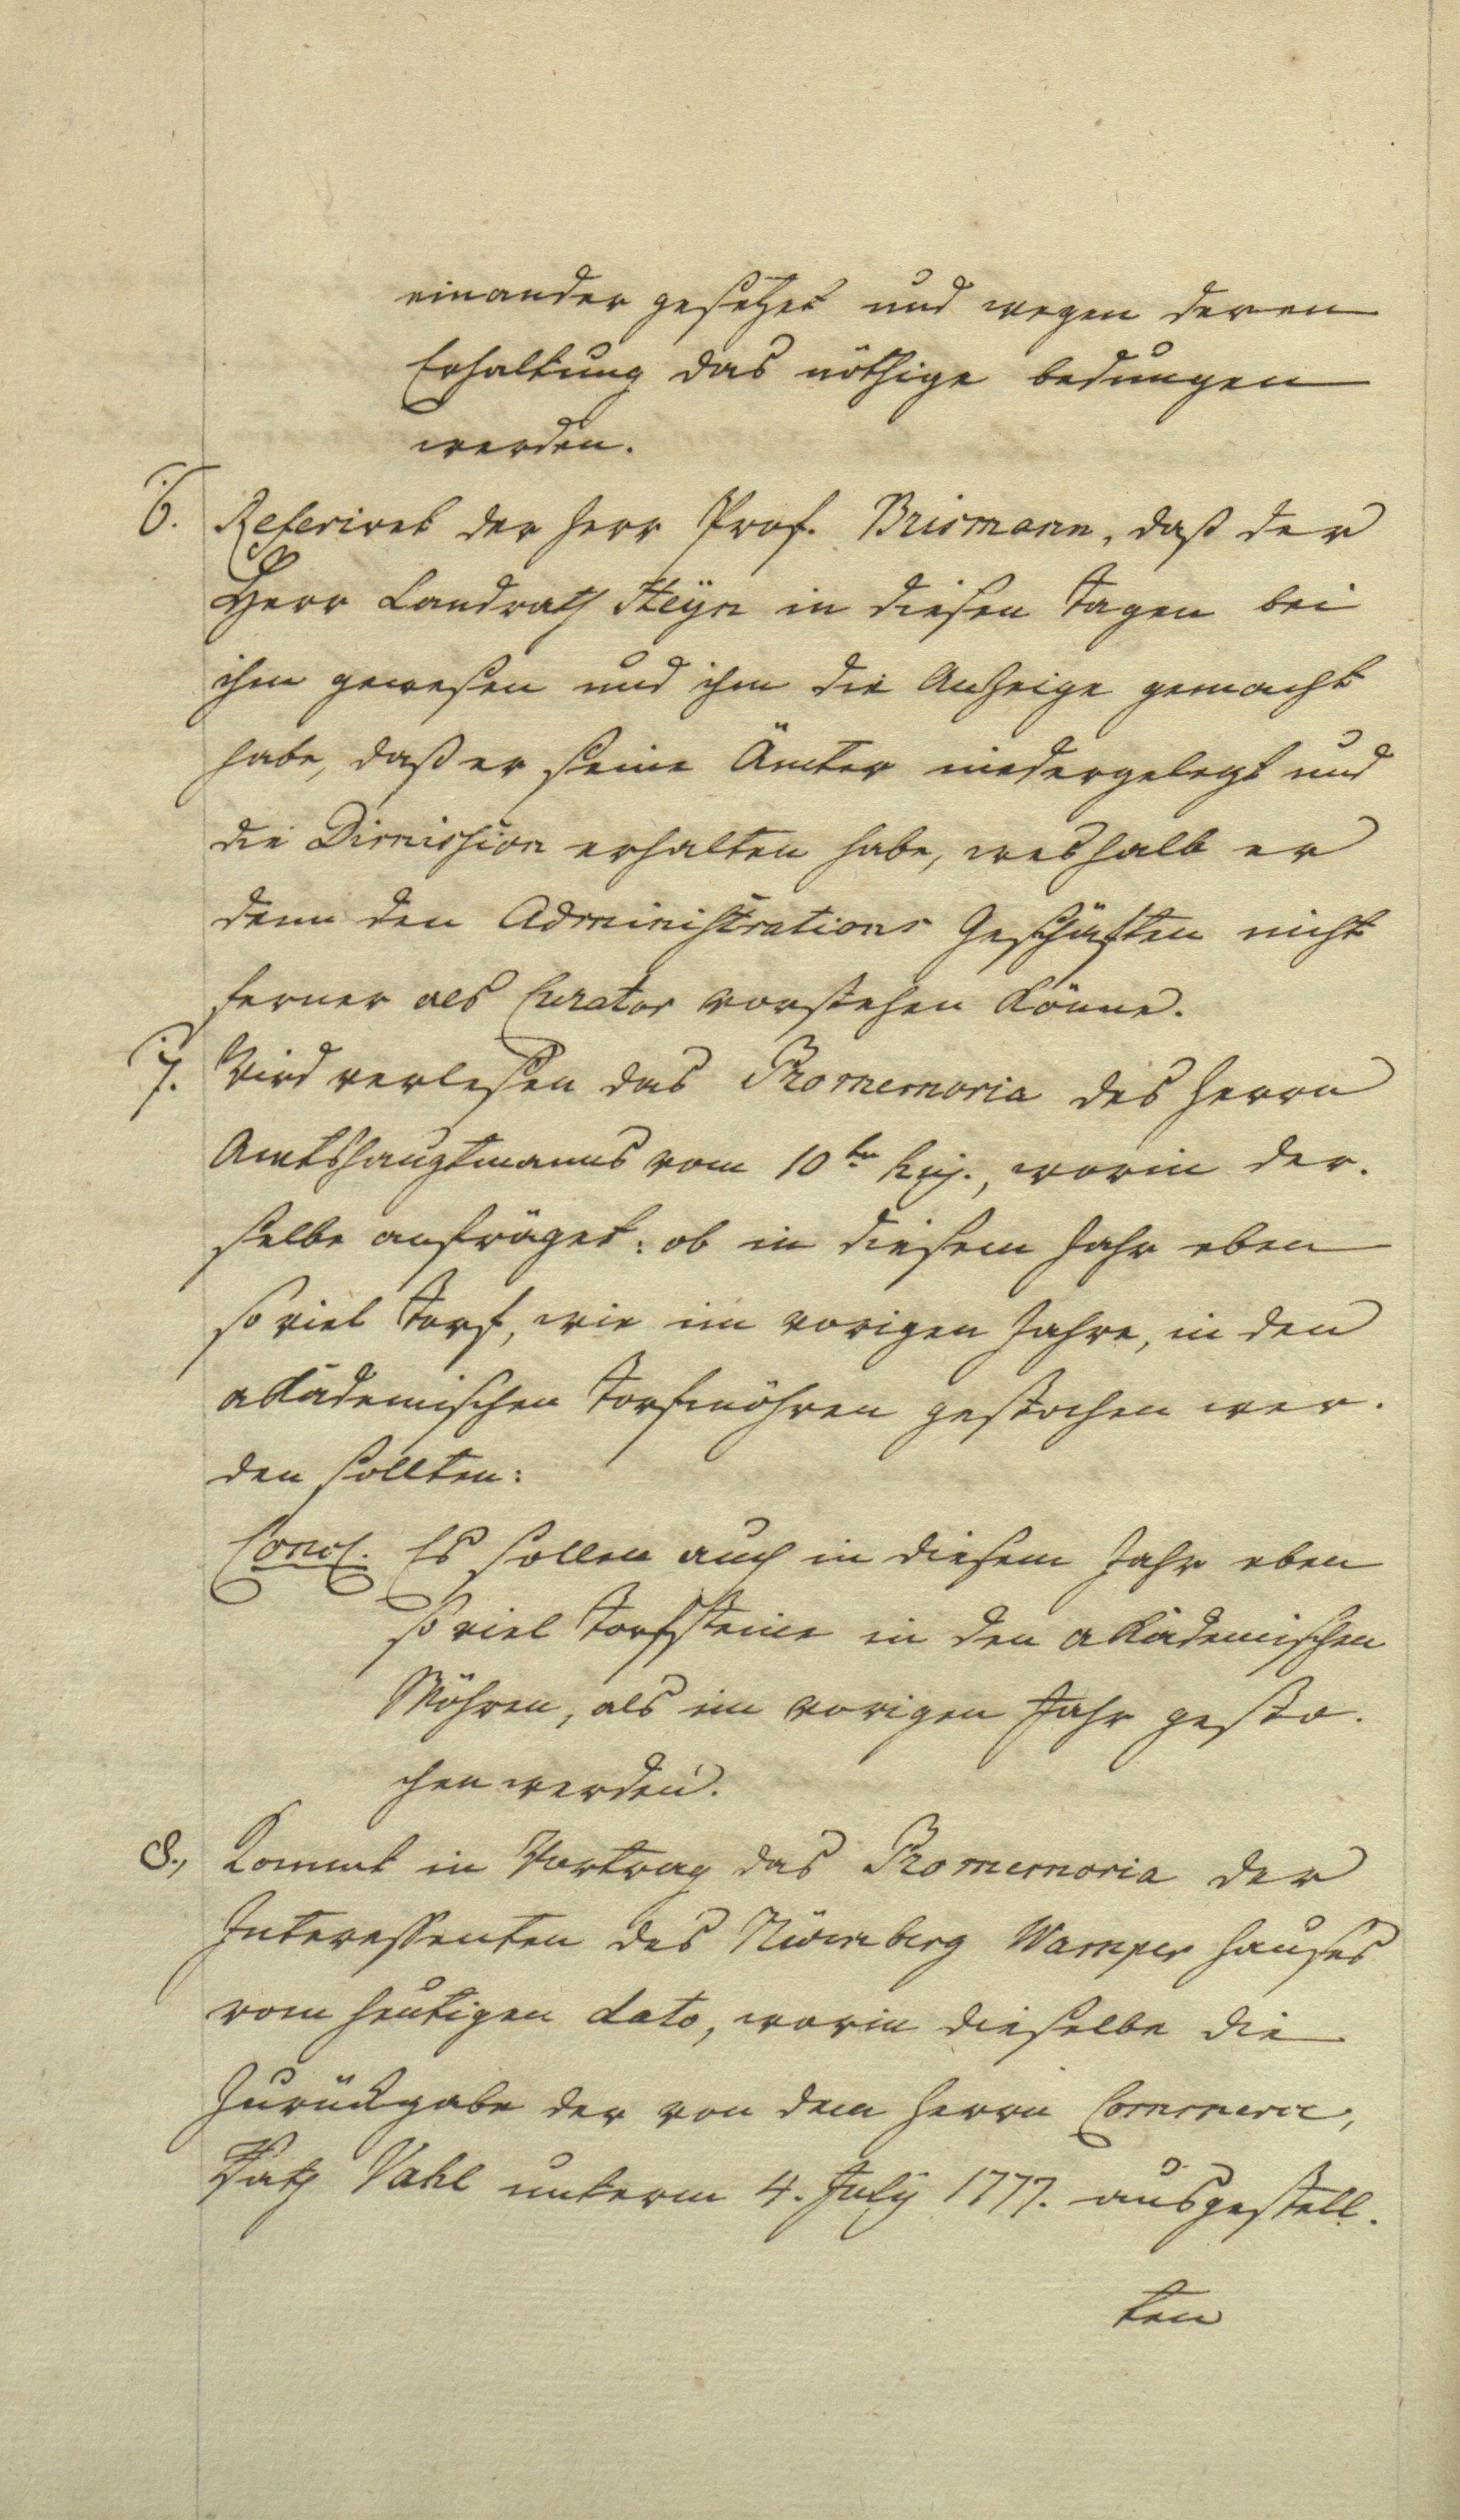einander gesetzet und wegen deren
Erhaltung das nöthige bedungen
werden.
6. Referiret der Herr Prof. Brismann, daß der
Herr Landrath Heÿn in diesen Tagen bei
ihm gewesen und ihm die Anzeige gemacht
habe, daß er seine Ämter niedergelegt und
die Dimission erhalten habe, weshalb er
denn den Administrations Geschäften nicht
ferner als Curator vorstehen könne.
7. Wird verlesen das Promemoria des Herrn
Amtshauptmanns vom 10 t huj., worin der¬
selbe anfräget: ob in diesem Jahr eben
so viel Torf, wie im vorigen Jahre, in den
akademischen Torfmöhren gestochen wer¬
den sollten.
Concl. Es sollen auch in diesem Jahr eben
so viel Torfsteine in den akademischen
Möhren, als im vorigen Jahr gesto¬
chen werden.
8., Kommt in Vortrag das Promemoria der
Interessenten des Nürnberg Wamper Hauses
vom heutigen dato, worin dieselbe die
Zurükgabe der von dem Herrn Commerce.
Rath Vahl unterm 4. Julÿ 1777. ausgestell¬
ten